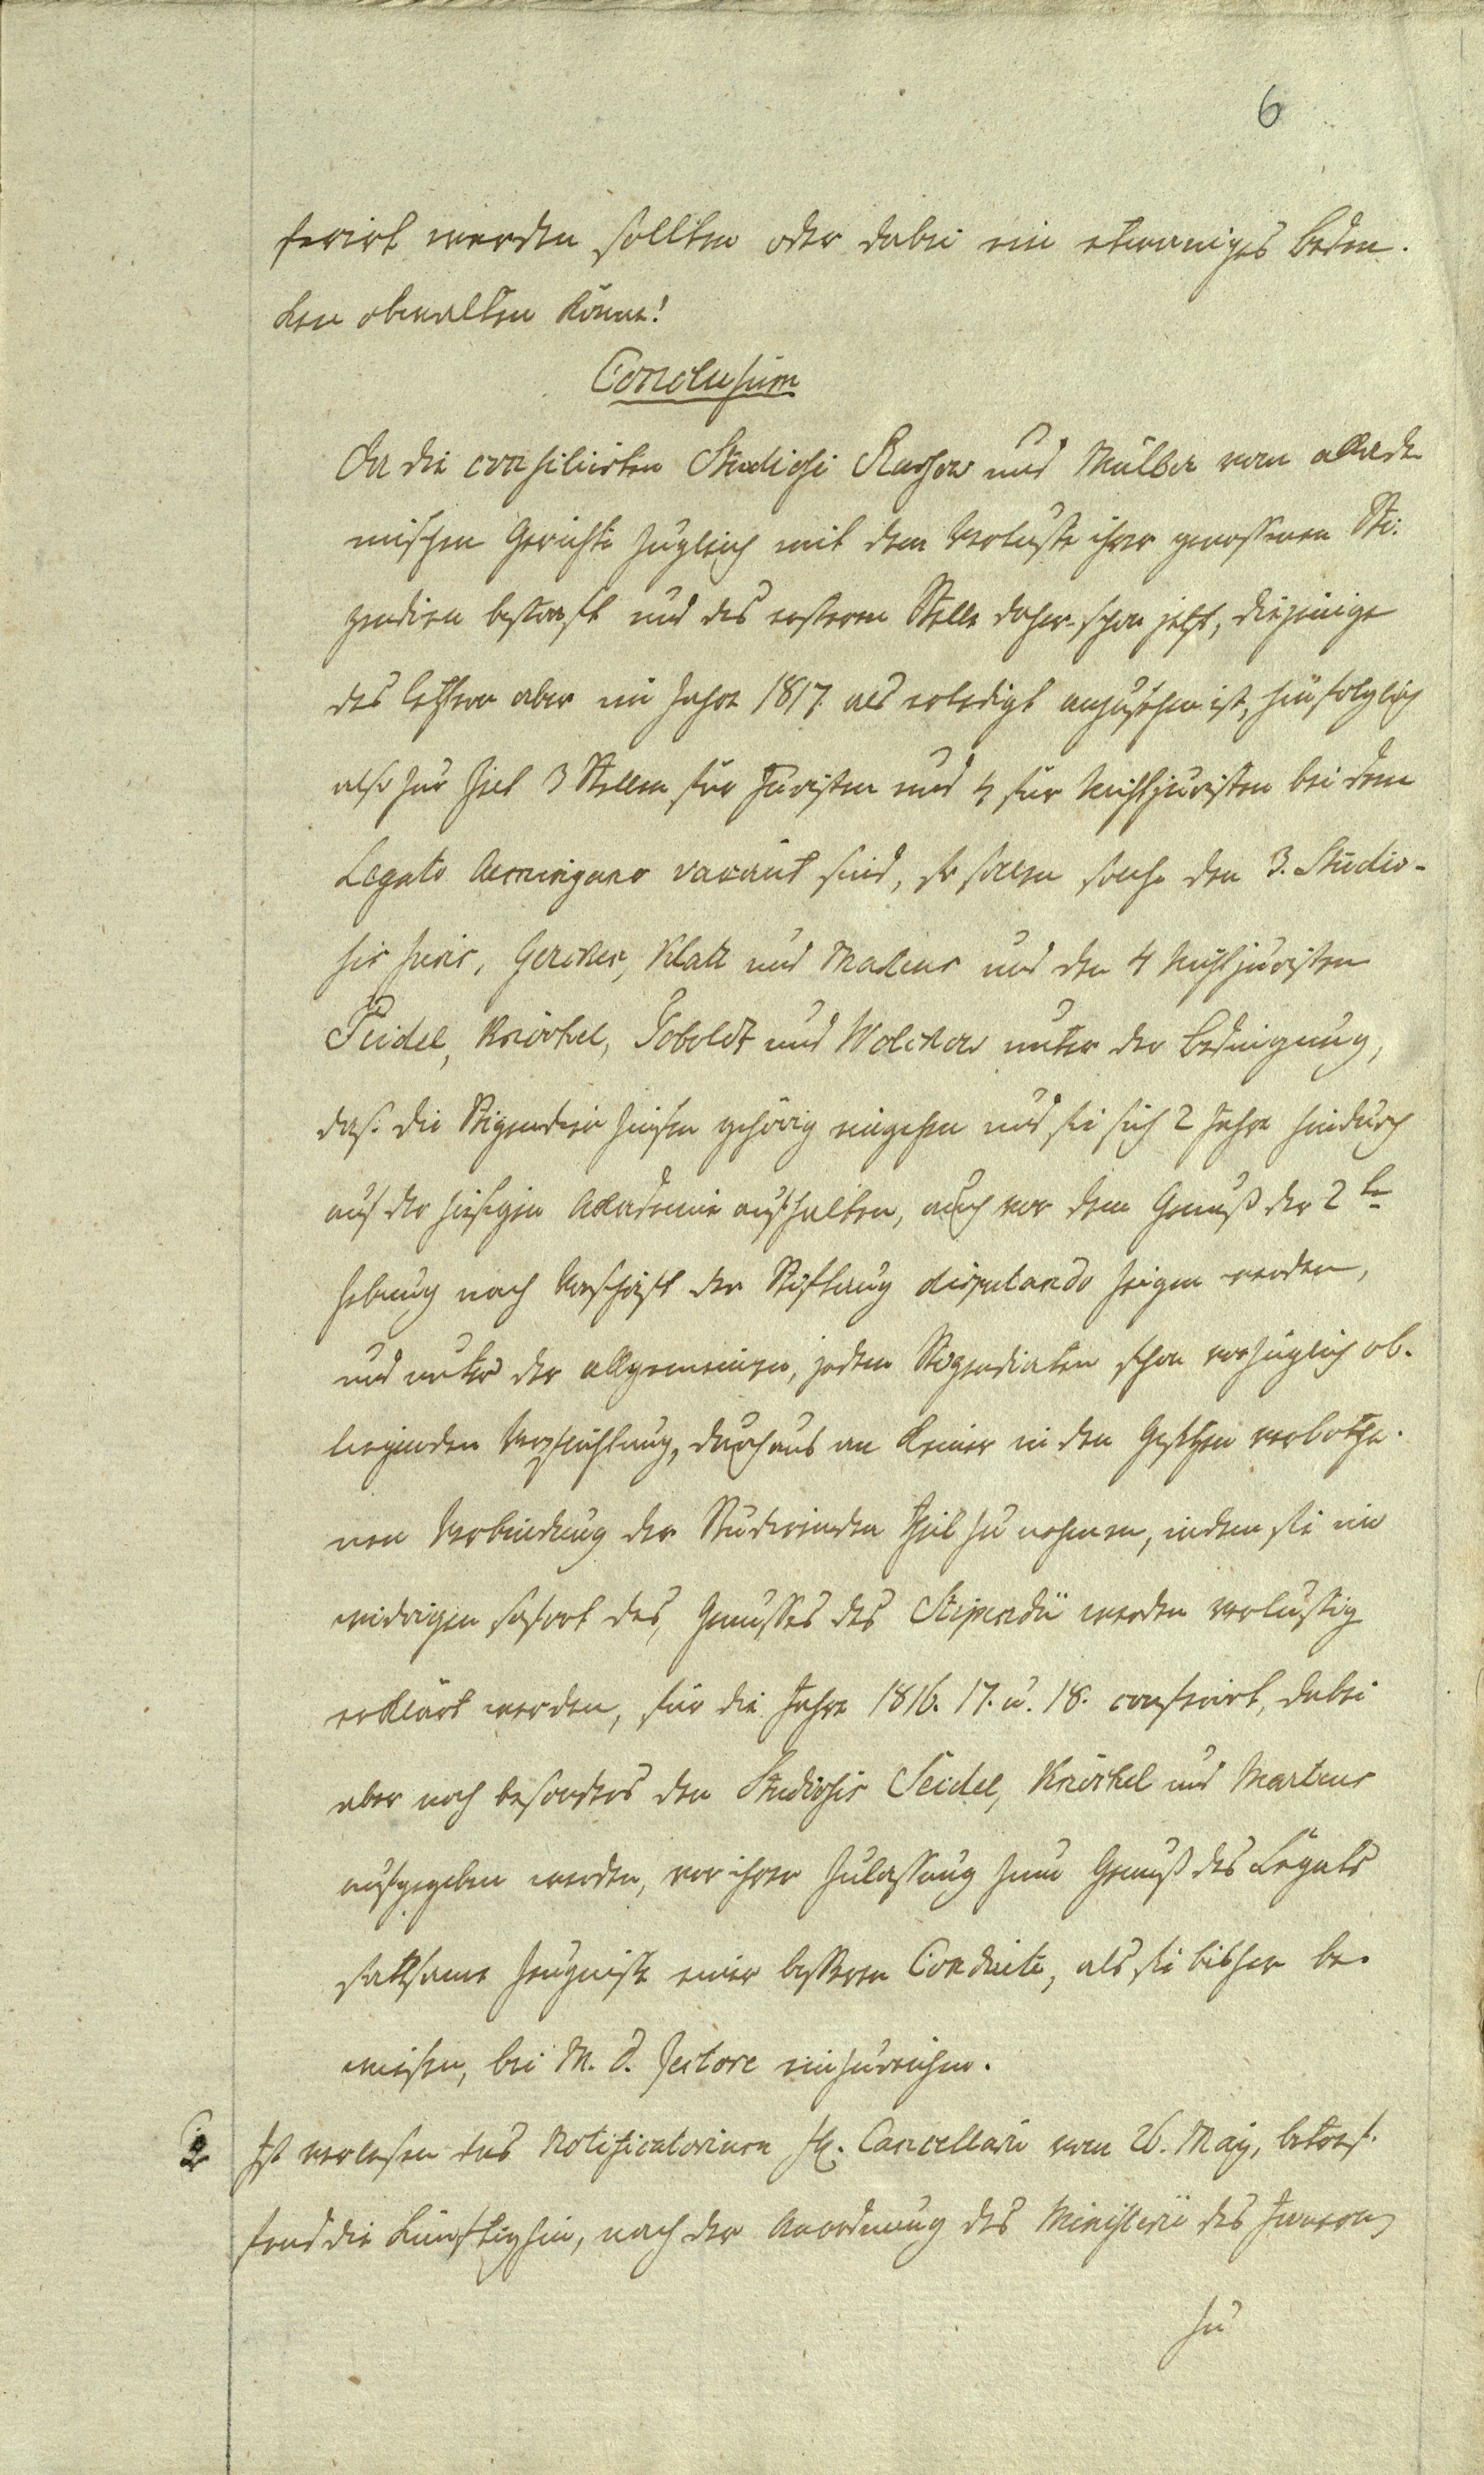servirt werden sollten oder dabei ein etwaniges beden¬
ken obwalten könne?
Conclusum
Da die consiliirten Studiosi Rassow und Müller vom akade¬
mischen Gerichte zugleich mit dem Verluste ihrer genossenen Sti¬
pendien bestraft und des ersteren Soll, daher schon jetzt, diejenige
des letztern aber im Jahre 1817 als erledigt anzusehen ist, hinfolglich
also zur Zeit 3 Stellen für Juristen und 4 für Nichtjuristen bei dem
Legato Aemingano vacant sind, so sollen solche den 3. Studio¬
sis Juris, Gercker, Klatt und Martens und den 4 Nichtjuristen
Seidel, Knöchel, Toboldt und Wolckow unter der Bedingung,
daß. die Stipendien Zinsen gehörig eingehen und sie sich 2 Jahre hindurch
auf der hiesigen Akademie aufhalten, auch vor dem Genuß der 2 ten
Hebung nach Vorschrift der Stiftung disputando zeigen werden,
und unter der allgemeinen, jedem Stipendiaten schon vorzüglich ob¬
liegenden Verpflichtung, durchaus an keiner in den Gesetzen verbothe¬
nen Verbindung der Studirenden theil zu nehmen, indem sie im
widrigen sofort des Genusses des Stipendii werden verlustig
erklärt werden, für die Jahre 1816. 17 u. 18. conferirt, dabei
aber noch besonders den Studiosis Seidel, Knöchel und Martens
aufgegeben werden, vor ihrer Zulassung zum Genuß des Legats
sattsame Zeugnisse einer besseren Condicte, als sie bisher be¬
wiesen, bei M. D. Rectore einzureichen.
2. Ist verlesen das Notificatorium dh. Cancellarii vom 26. Maÿ, betref¬
fend die künftighin, nach der Anordnung des Ministerii des Innern
zu